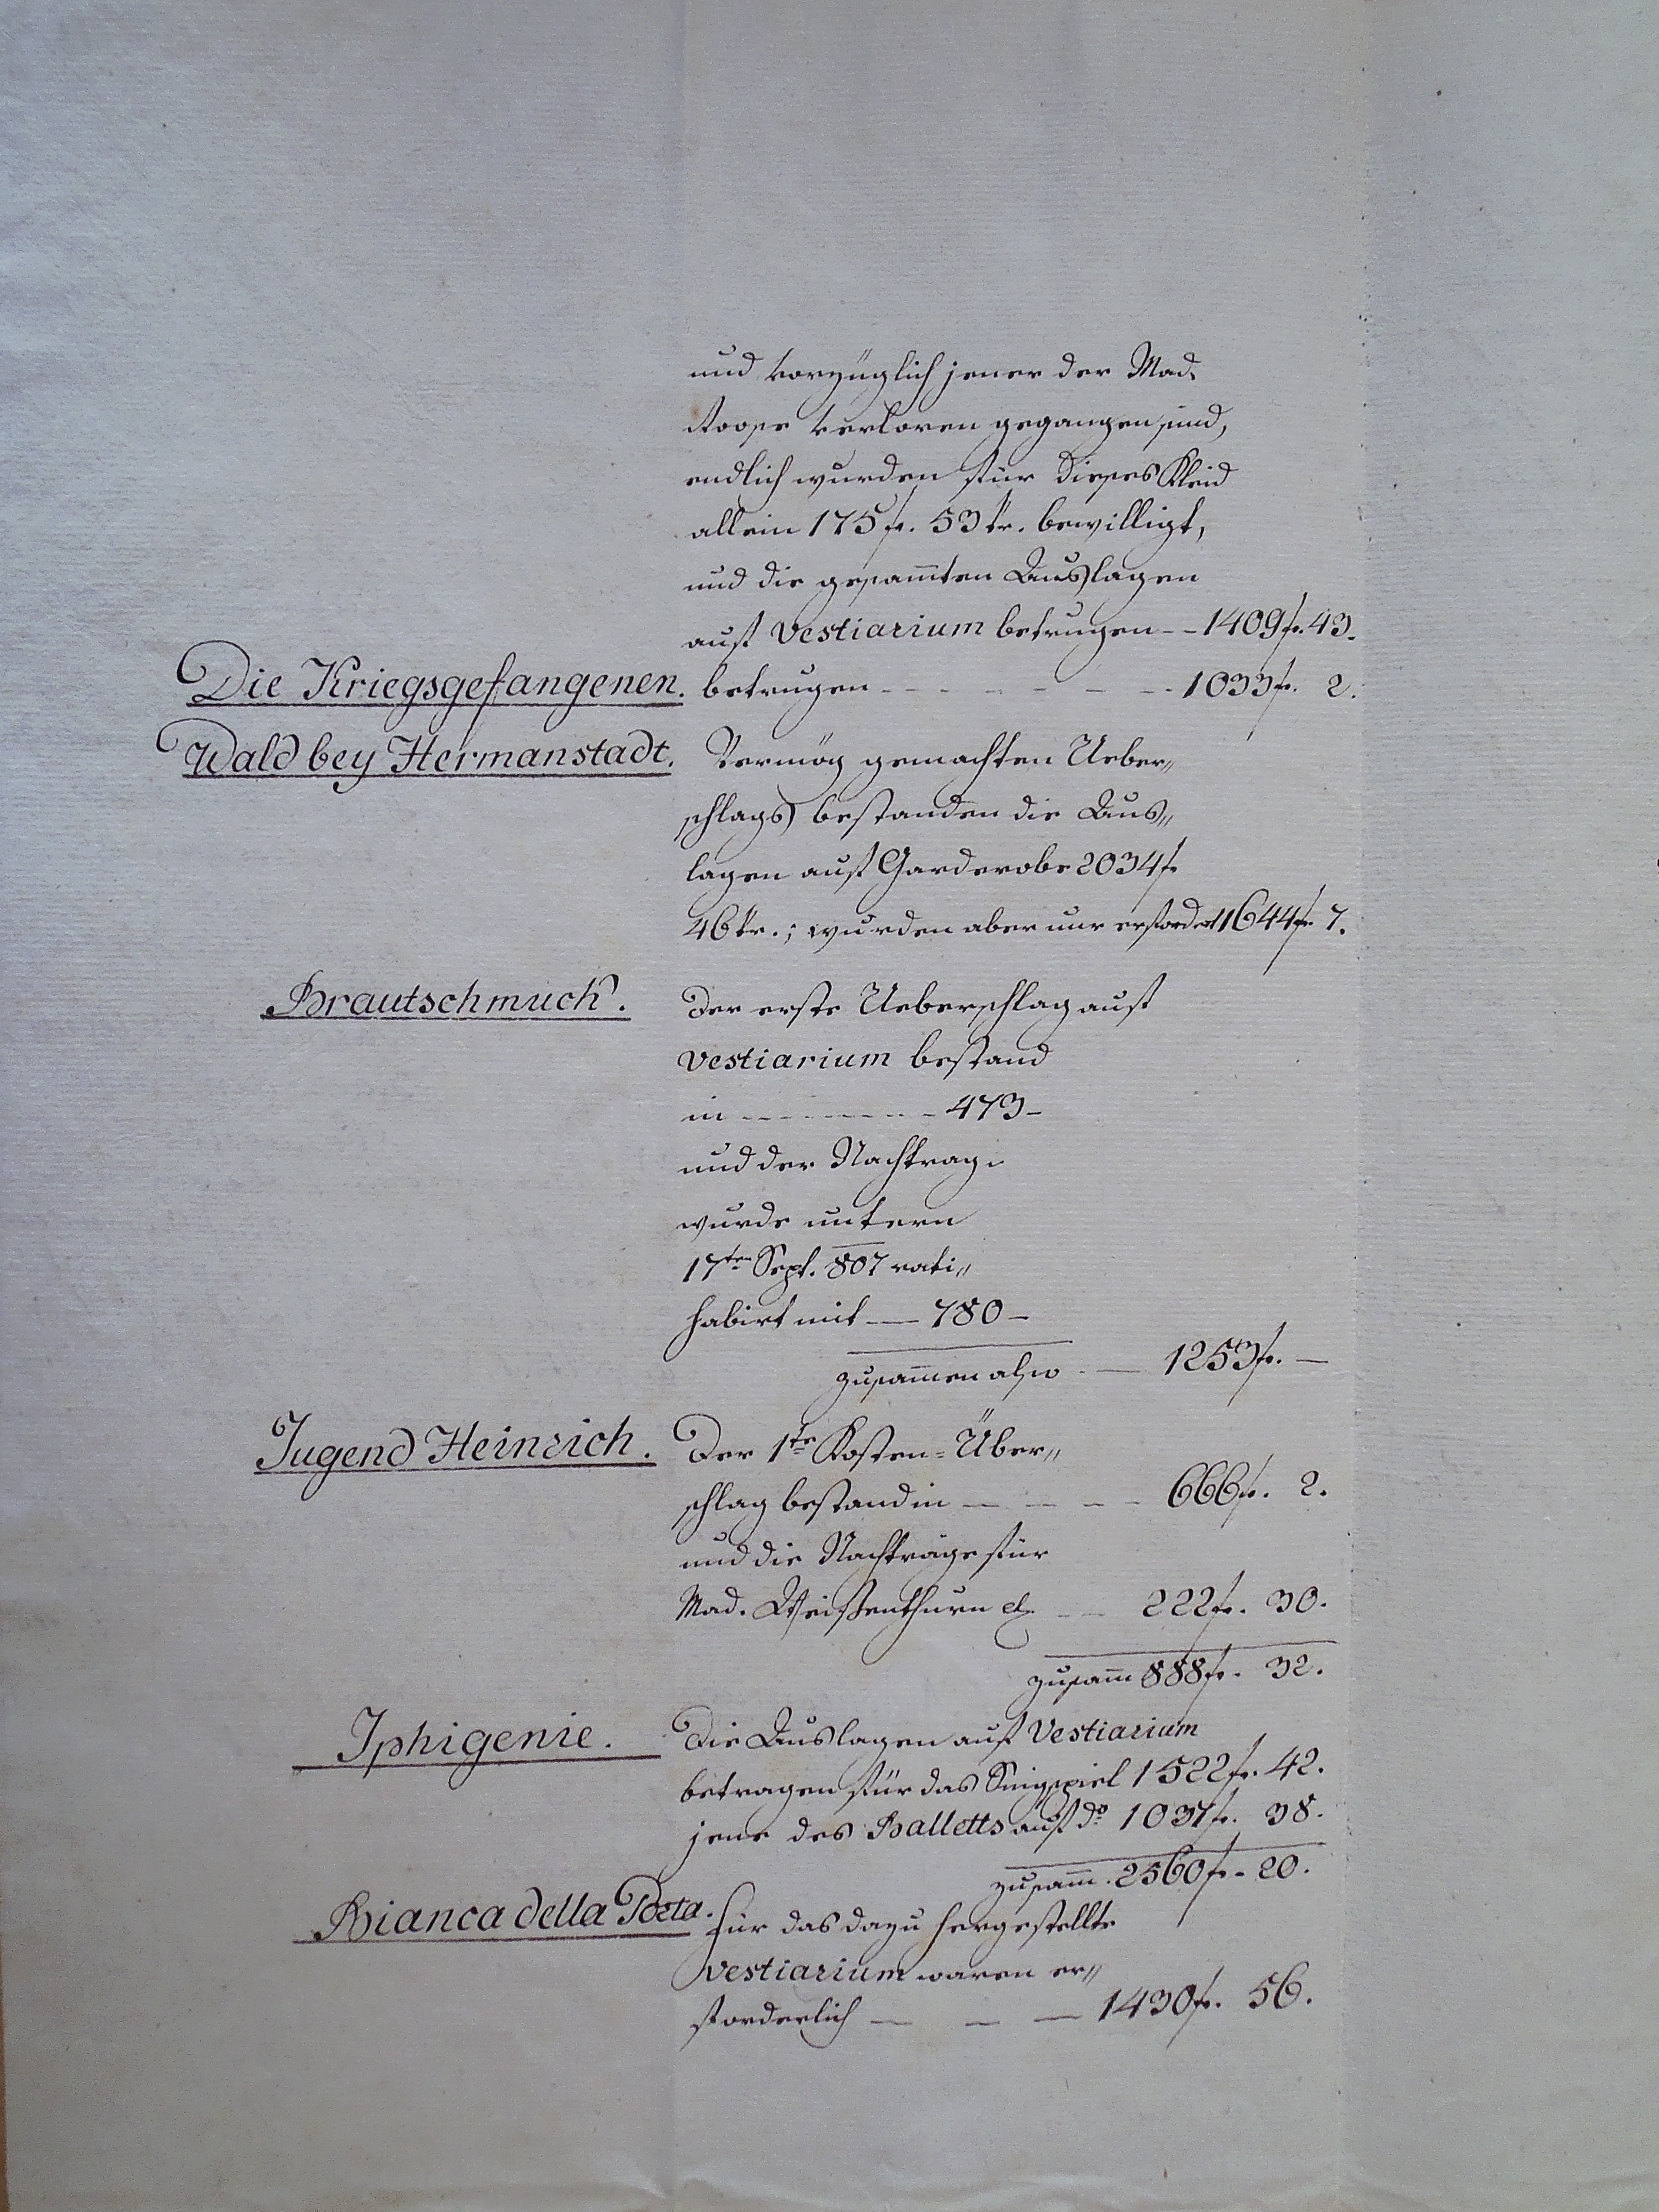und vorzüglich jener der Mad.
Roose verloren gegengaen sind,
endlich wurden für dieses Kleid
allein 175fr. 53kr. bewilligt,
und die gesam̅ten Auslagen
auf vestiarium betrugen _ _ 1409fr. 43.
Die Kriegsgefangenen. betrugen .. .. .. .. .. .. .. 1033fr. 2.
Wald bey Hermanstadt. Vermög gemachten Ueber¬
schlags bestanden die Aus¬
lagen auf Garderobe 2034fr.
46kr.; wurden aber nur erfordert 1644fr. 7.
Brautschmuck. Der erste Ueberschlag auf
vestiarium bestand
in _ _ _ _ _ _ _ . . _ 473-
und der Nachtrage
wurde untern
17te͇n Sept. 8͞0͞7 rati¬
habirt mit ___ 780 -
-------------------
zusam̅en also . _______1253fr. ---
Jugend Heinrich. Der 1te͇ Kosten = Über¬
schlag bestand in . _ _ _ _ 666fr. 2.
und die Nachträge für
Mad. Weißenthurn etz. 222fr. 30.
-----------------------
zusam̅ 888fr. 32.
Iphigene. Die Auslagen auf Vestiarium
betragen für das Singspiel 1522fr. 42.
jene des Balletts auf do͇ 1037fr. 38.
-------------------------------
zusam̅. 2560fr. 20.
Bianca della Porta Für das dazu freygestellte
vestiarium waren er¬
forderlich _ _ __ ____ 1430fr. 56.